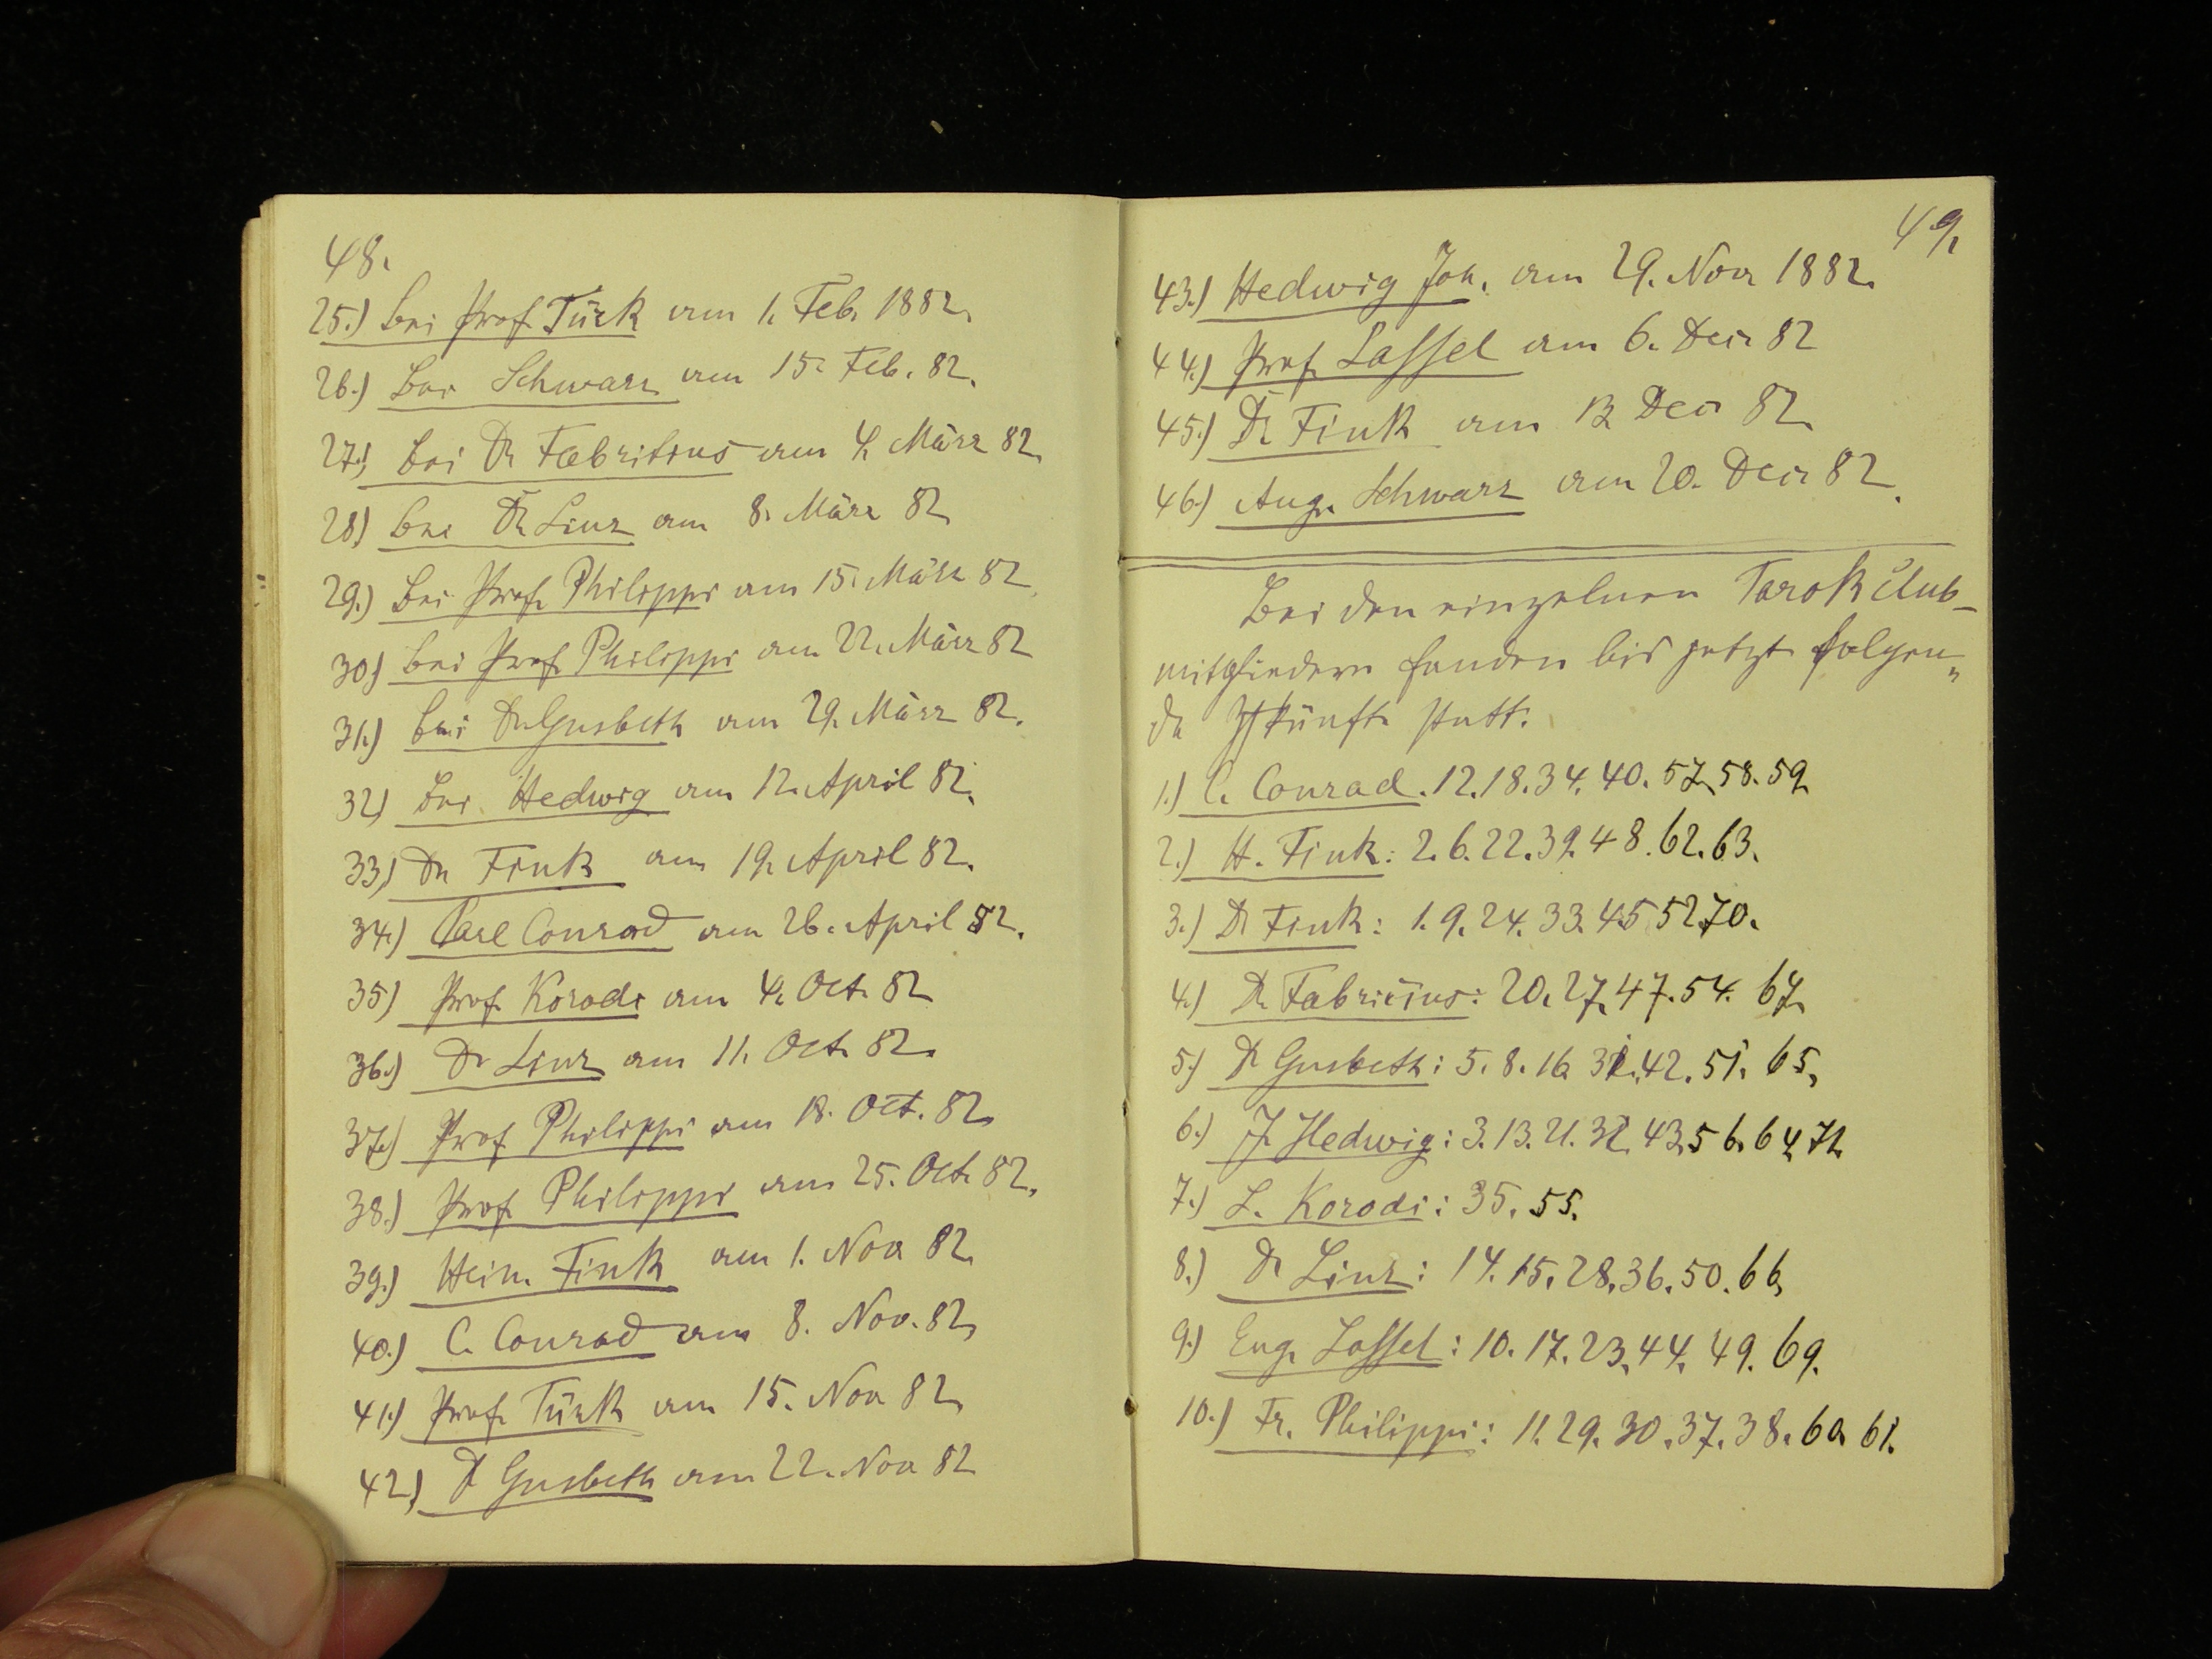48
25.) Bei Prof. Türk am 1. Febr. 82
26.) Bei Schwarz am 15. Febr. 82
27.) Bei Dr. Fabritius am 4. März 82
28.) Bei Dr. Linz am 8. März 82
29.) Bei Prof. Philippi am 15. März 82
30.) Bei Prof. Philippi am 22. März 82
31.) Bei Dr. Gusbeth am 29. März 82
32.) Bei Hedwig am 12. April 82
33.) Dr. Fink am 19. April 82
34.) Carl Conrad am 26. April 82
35.) Prof. Korodi am 4. Octob. 82
36.) Dr. Linz am 11.Octob.82
37.) Prof. Philippi am 25. Octob.82
38.) Prof. Philippi am 25. Octob. 82
39.) Heinr. Fink am 1. Nov. 82
40.) C. Conrad am 8. Nov. 82
41.) Prof. Türk am 15. Nov. 82
42.) Dr. Gusbeth am 22. Nov. 82
49
43.) Hedwig Joh. am 29.Nov 82
44.) Prof. Lassel am 6. Dec. 82
45.) Dr. Fink am 13. Dec. 82
46.) Aug. Schwarz am 20. Dec. 82
Bei den einzelnen Tarokclub¬
mitgliedern fanden bis jetzt folgen¬
de Zusammenkünfte statt:
1.) C. Conrad 12.18.34.40.57.58.59.
2.) H. Fink 1.6.22.39.48.62.63.
3.) Dr. Fink 1.9.24.33.45.52.70.
4.) Dr. Fabritius 20.27.47.54.64.
5.) Dr. Gusbeth 5.8.16.31.42.51.65.
6.) J. Hedwig 3.13.21.32.43.56.64.71.
7.) L. Korodi 35.55.
8.) Dr. Linz 14.15.28.36.50.66.
9.) Eug. Lassel 10.17.23.44.49.69.
10.) Tr. Philippi 11.29.30.37.38.60.61.